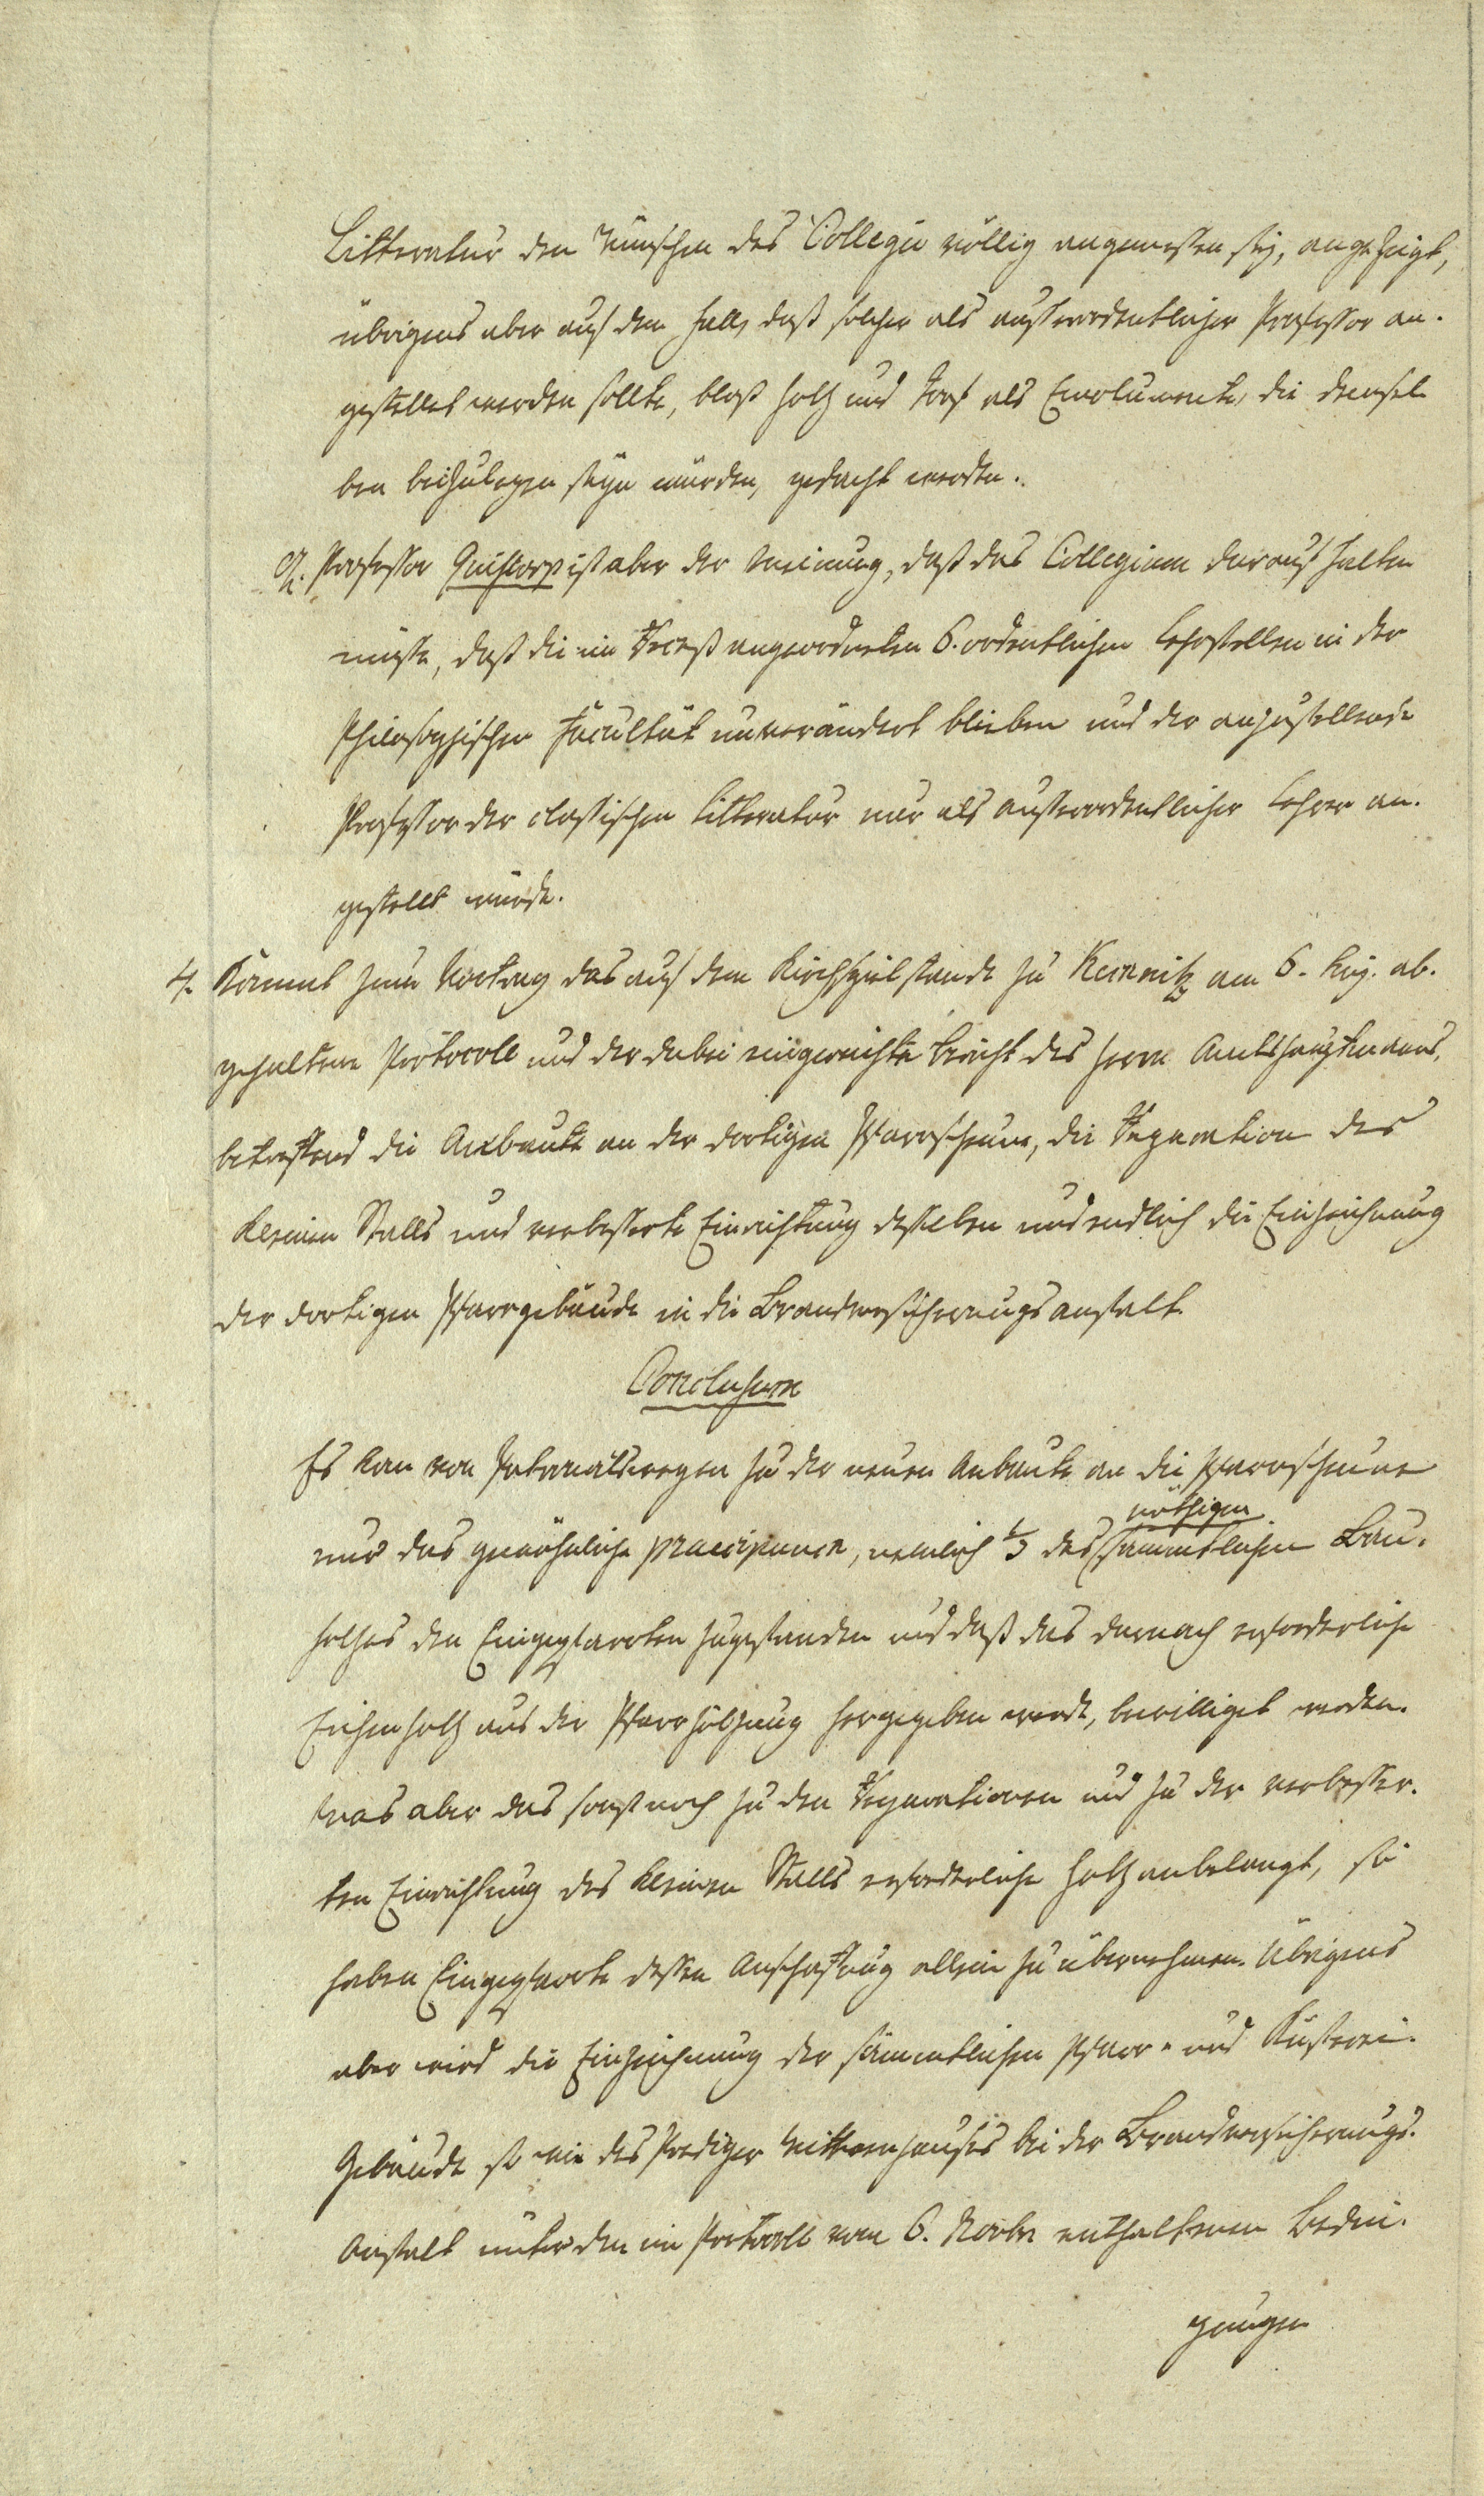Litteratur den Wünschen des Collegii völlig angemessen seÿ, angezeigt,
übrigens aber auf dem Fall, daß solcher als außerordentlicher Professor an¬
gestellet werden sollte, bloß Holz und Torf als Emolumente, die derselbe
ben beizulegen seÿn würden, gedacht werden.
dh. Professor Quistorp ist aber der Meinung, daß das Collegium darauf halten
müsse, daß die im Receß angeordneten 6. ordentlichen Lehrstellen in der
Philosophischen Facultät unverändert blieben und der anzustellende
Professor der classischen Litteratur nur als ausserordentlicher Lehrer an¬
gestellt würde.
4. Kommt zum Vortrag das auf dem Kirchspielstande zu Kemnitz am 6. huj. ab¬
gehaltene Protocoll und der dabei eingereichte Bericht des Herrn Amtshauptmanns,
betreffend die Anbaute an der dortigen Pfarrscheune, die Reparation des
kleinen Stalls und verbesserte Einrichtung desselben und endlich die Einzeichnung
der dortigen Parrgebäude in die Brandversicherungsanstalt.
Conclusum
Es kan von Patronatswegen zu der neuen Anbaute an die Pfarrscheune
und das gewöhnliche praecipium, nemlich 1/3 des nöthigen sämmtlichen Bau¬
holzes den Eingepfarrten zugestanden und daß das darnach erforderliche
Eichenholz aus der Pfarrhölzung hergegeben würde, bewilliget werden.
Was aber das sonst noch zu den Reparationen und zu der verbesser¬
ten Einrichtung des kleinen Stalls erforderliche Holz anbelangt, so
haben Eingepfarrte dessen Anschaffung allen zu übernehmen. Übrigens
aber wird die Einzeichnung der sämmtlichen Pfarr- und Küsterei¬
Gebäude so wie des Prediger Wittwenhauses bei der Brandversicherungs¬
anstalt unter den in Protocoll vom 6. Novbr enthaltenen Bedin¬
gungen